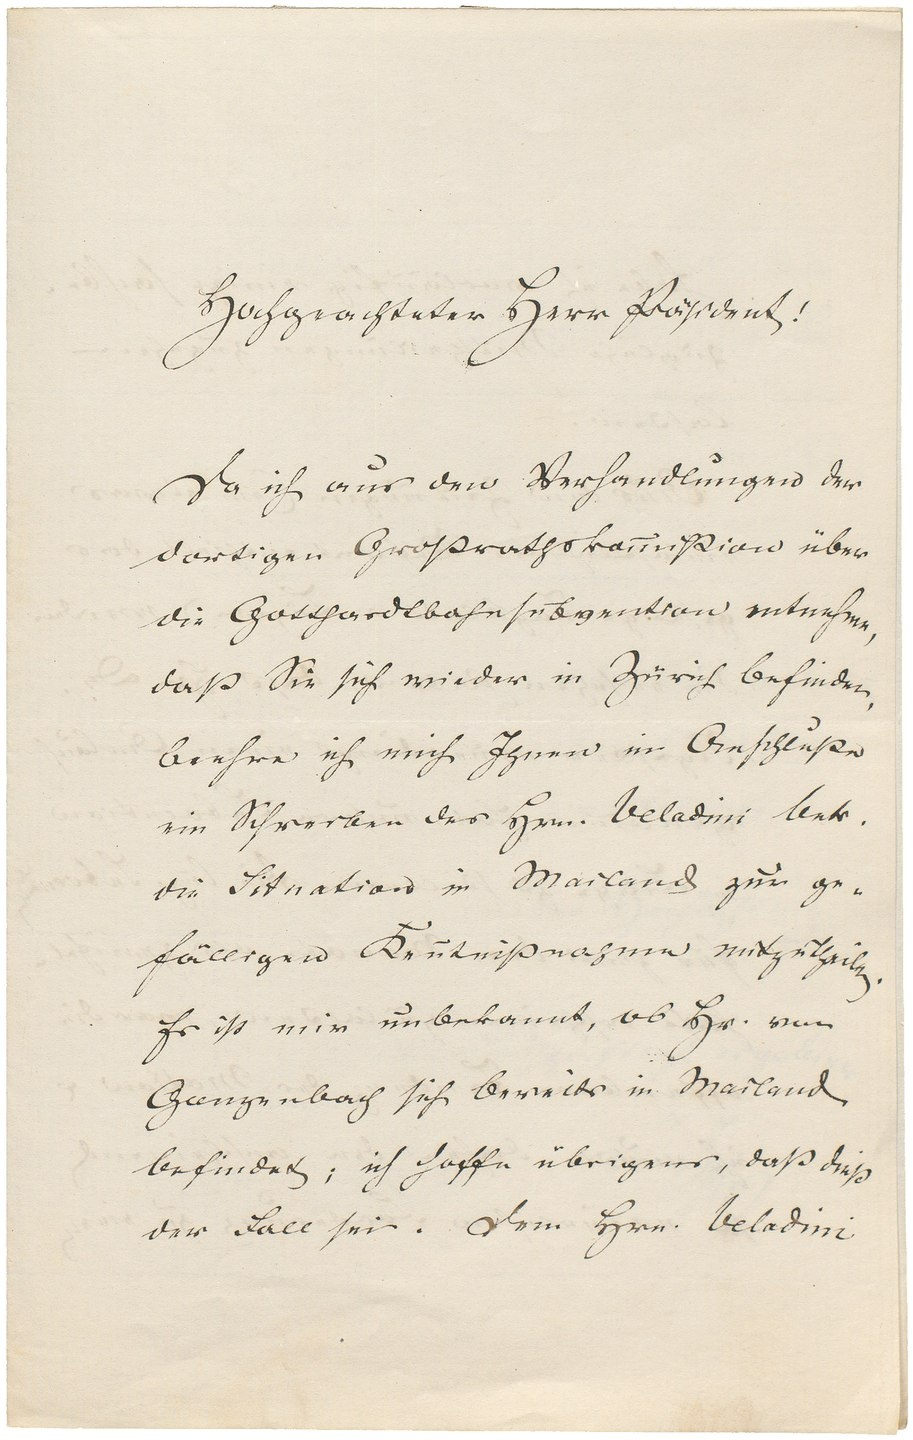Hochgeachteter Herr Präsident!
Da ich aus den Verhandlungen der
dortigen Großrathskommißion über
die Gotthardtbahnsubvention entnehme,
daß Sie sich wieder in Zürich befinden,
beehre ich mich Ihnen im Anschluße
ein Schreiben des Hrn. Veladini betr.
die Situation in Mailand zur ge-
fälligen Kenntnißnahme mitzutheilen.
Es ist mir unbekannt, ob Hr. von
Gonzenbach sich bereits in Mailand
befindet; ich hoffe übrigens, daß dieß
der Fall sei. Dem Hrn. Veladini